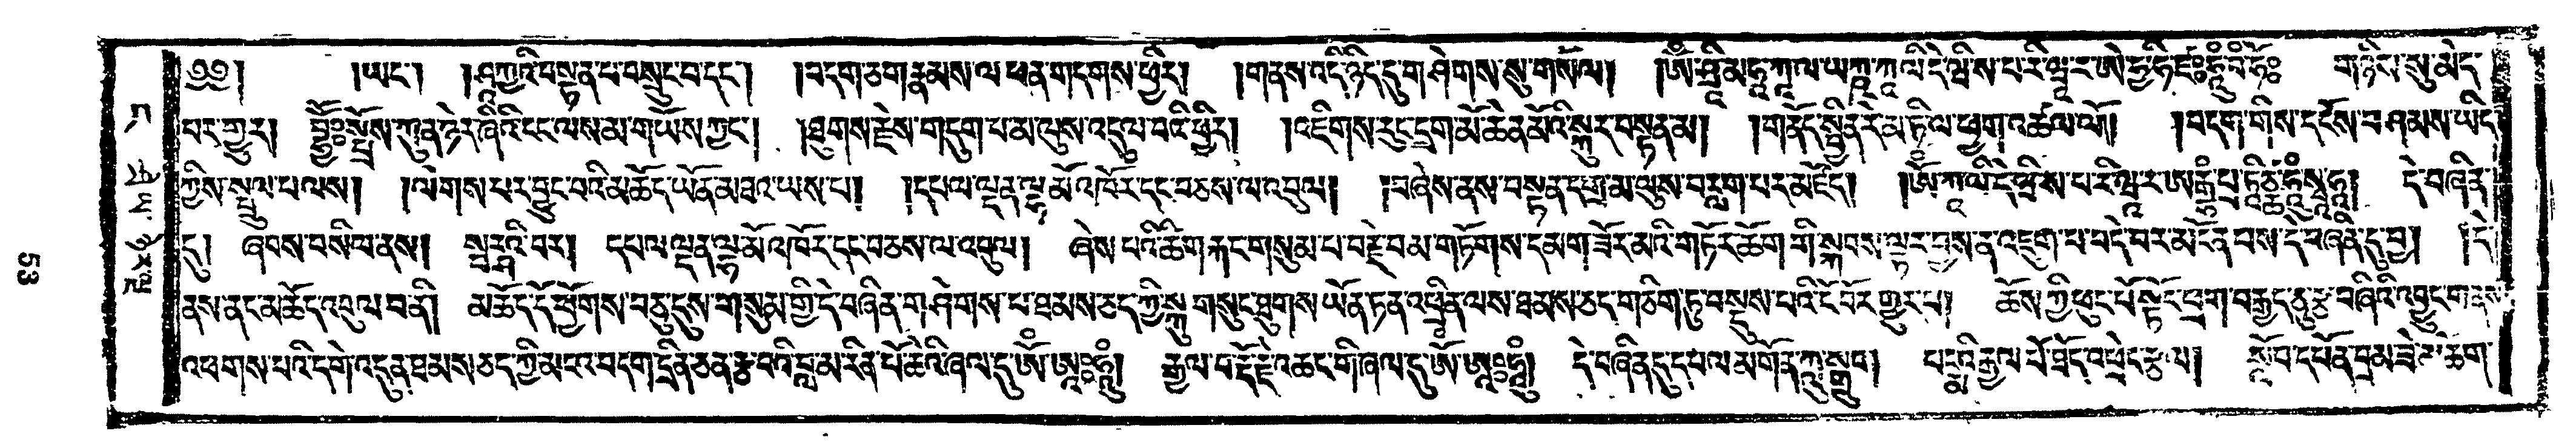༄༅། །ཡང་། །ཤཱཀྱའི་བསྟན་པ་བསྲུང་བ་དང་། །བདག་ཅག་རྣམས་ལ་ཕན་གདགས་ཕྱིར། །གནས་འདི་ཉིད་དུ་གཤེགས་སུ་གསོལ། །ཨོཾ་ཤྲཱི་མཧཱ་ཀཱ་ལ་ཡཀྵ་ཀཱ་ལི་དེ་ཝི་ས་པ་རི་ཝཱ་ར་ཨེ་ཧྱ་ཧི་ཛཿ ཧཱུཾ་བཾ་ཧོཿ གཉིས་སུ་མེད་
པར་གྱུར། བྷྱཽཿ སྤྲོས་ཀུན་ཉེར་ཞིའི་ངག་ལས་མ་གཡོས་ཀྱང་། །ཐུགས་རྗེས་གདུག་པ་མ་ལུས་འདུལ་བའི་ཕྱིར། །འཇིགས་རུང་དྲག་མོ་ཆེན་མོའི་སྐུར་བསྟན་མ། །གནོད་སྦྱིན་རེ་མ་ཏི་ལ་ཕྱག་འཚལ་ལོ། །བདག་གིས་དངོས་བཤམས་ཡིད་
ཀྱིས་སྤྲུལ་པ་ལས། །ལེགས་པར་བྱུང་བའི་མཆོད་ཡོན་མཐའ་ཡས་པ། །དཔལ་ལྡན་ལྷ་མོ་འཁོར་དང་བཅས་ལ་འབུལ། །བཞེས་ནས་བསྟན་དགྲ་མ་ལུས་བརླག་པར་མཛོད། །ཨོཾ་ཀཱ་ལི་དེ་ཝི་ས་པ་རི་ལྦཱ་ར་ཨརྒྷཾ་པྲ་ཏཱིཙྪ་ཧཱུཾ་སྭཱ་ཧཱ། དེ་བཞིན་
དུ། ཞབས་བསིལ་ནས། སྦརྴཱི་བར། དཔལ་ལྡན་ལྷ་མོ་འཁོར་དང་བཅས་ལ་འབུལ། ཞེས་པའི་ཚིག་རྐང་གསུམ་པ་བརྗེ་བ་མ་གཏོགས་དམག་ཟོར་མའི་གཏོར་ཆོག་གི་སྐབས་ལྟར་བྱས་ན་འཇུག་པ་བདེ་བར་མངོན་པས་དེ་བཞིན་དུ་བྱ། །དེ་
ནས་ནང་མཆོད་འབུལ་བ་ནི། མཆོད་དོ་ཕྱོགས་བཅུ་དུས་གསུམ་གྱི་དེ་བཞིན་གཤེགས་པ་ཐམས་ཅད་ཀྱི་སྐུ་གསུང་ཐུགས་ཡོན་ཏན་འཕྲིན་ལས་ཐམས་ཅད་གཅིག་ཏུ་བསྡུས་པའི་ངོ་བོར་གྱུར་པ། ཆོས་ཀྱི་ཕུང་པོ་སྟོང་ཕྲག་བརྒྱད་ཅུ་རྩ་བཞིའི་འབྱུང་གནས་
འཕགས་པའི་དགེ་འདུན་ཐམས་ཅད་ཀྱི་མངའ་བདག་དྲིན་ཅན་རྩ་བའི་བླ་མ་རིན་པོ་ཆེའི་ཞལ་དུ་ཨོཾ་ཨཱཿ ཧཱུཾ། རྒྱལ་བ་རྡོ་རྗེ་འཆང་གི་ཞལ་དུ་ཨོ་ཨཱཿཧཱུཾ། དེ་བཞིན་དུ་དཔལ་མགོན་ཀླུ་སྒྲུབ། པདམའི་རྒྱལ་པོ་ཐོད་འཕྲེང་རྩལ། སློབ་དཔོན་བྲམ་ཟེ་མཆོག་